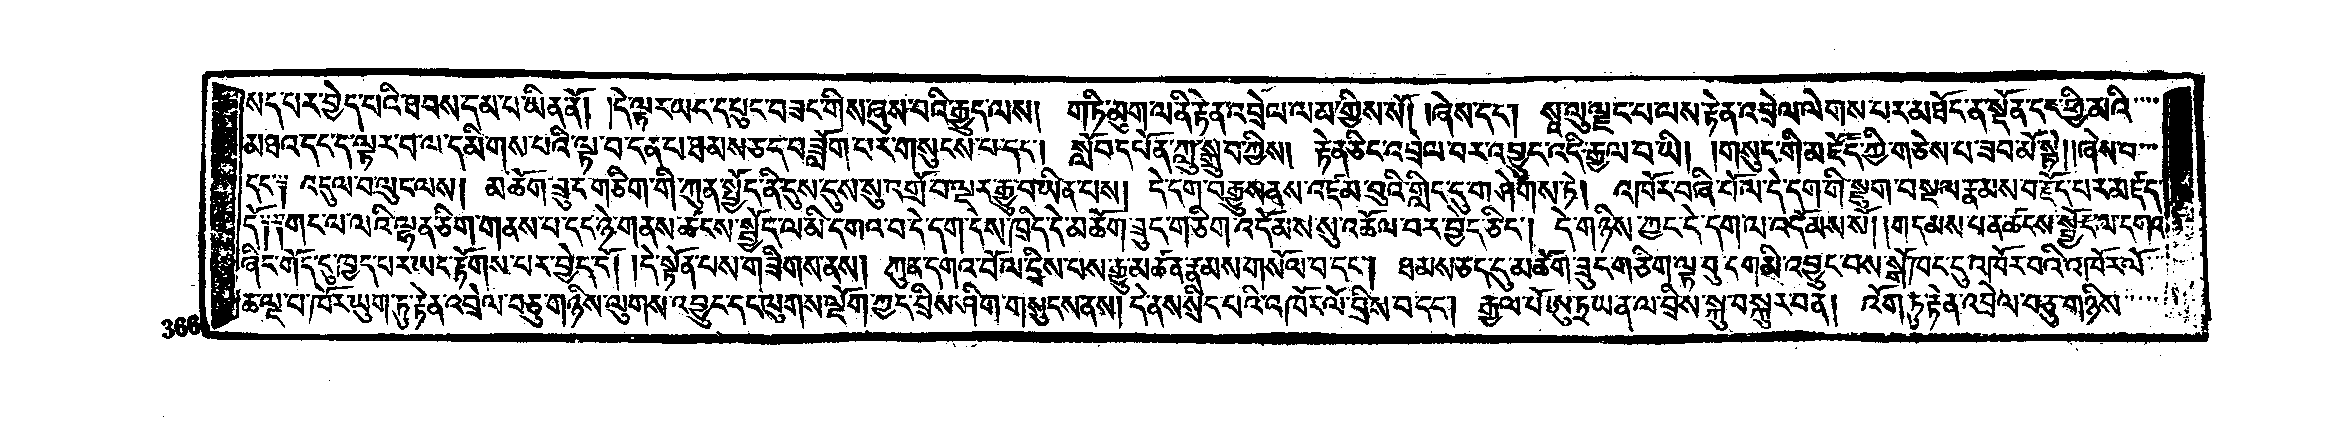སད་པར་བྱེད་པའི་ཐབས་དམ་པ་ཡིན་ནོ། །དེ་ལྟར་ཡང་དཔུང་བཟང་གིས་ཞུས་པའི་རྒྱུད་ལས། གཏི་མུག་ལ་ནི་རྟེན་འབྲེལ་ལམ་གྱིས་སོ། །ཞེས་དང་། སཱ་ལུ་ལྗང་པ་ལས་རྟེན་འབྲེལ་ལེགས་པར་མཐོང་ན་སྔོན་དང་ཕྱི་མའི་
མཐའ་དང་ད་ལྟར་བ་ལ་དམིགས་པའི་ལྟ་བ་ངན་པ་ཐམས་ཅད་བཟློག་པར་གསུངས་པ་དང་། སློབ་དཔོན་ཀླུ་སྒྲུབ་ཀྱིས། རྟེན་ཅིང་འབྲེལ་པར་འབྱུང་འདི་རྒྱལ་བ་ཡི། །གསུང་གི་མཛོད་ཀྱི་གཅེས་པ་ཟབ་མོ་སྟེ། །ཞེས་པ་
དང༑ འདུལ་བ་ལུང་ལས། མཆོག་ཟུང་གཅིག་གི་ཀུན་སྤྱོད་ནི་དུས་དུས་སུ་འགྲོ་བ་ལྔར་རྒྱུ་བ་ཡིན་པས། དེ་དག་བརྒྱུས་ནས་འཛམ་བུའི་གླིང་དུ་གཤེགས་ཏེ། འཁོར་བཞི་པོ་ལ་དེ་དག་གི་སྡུག་བསྔལ་རྣམས་བརྗོད་པར་མཛད་
དོ༑ ༑གང་ལ་ལའི་ལྷན་ཅིག་གནས་པ་དང་ཉེ་གནས་ཚངས་སྤྱོད་ལ་མི་དགའ་བ་དེ་དག་དེས་ཁྲིད་དེ་མཆོག་ཟུང་གཅིག་འདོམས་སུ་འཆོལ་བར་བྱེད་ཅིང་། དེ་གཉིས་ཀྱང་དེ་དག་ལ་འདོམས་སོ། །གདམས་པ་ན་ཚངས་སྤྱོད་ལ་དགའ་
ཞིང་གོང་དུ་ཁྱད་པར་ཡང་རྟོགས་པར་བྱེད་དོ། །དེ་སྟོན་པས་གཟིགས་ནས། ཀུན་དགའ་བོ་ལ་དྲིས་པས་རྒྱུ་མཚན་རྣམས་གསོལ་པ་དང་། ཐམས་ཅད་དུ་མཆོག་ཟུང་གཅིག་ལྟ་བུ་དག་མི་འབྱུང་བས་སྒོ་ཁང་དུ་འཁོར་བའི་འཁོར་ལོ་
ཆ་ལྔ་པ་ཁོར་ཡུག་ཏུ་རྟེན་འབྲེལ་བཅུ་གཉིས་ལུགས་འབྱུང་དང་ལུགས་ལྡོག་ཀྱང་བྲིས་ཤིག་གསུངས་ནས། དེ་ནས་སྲིད་པའི་འཁོར་ལོ་བྲིས་པ་དང་། རྒྱལ་པོ་ཨུ་ཏྲ་ཡ་ན་ལ་བྲིས་སྐུ་བསྐུར་བ་ན། འོག་ཏུ་རྟེན་འབྲེལ་བཅུ་གཉིས་